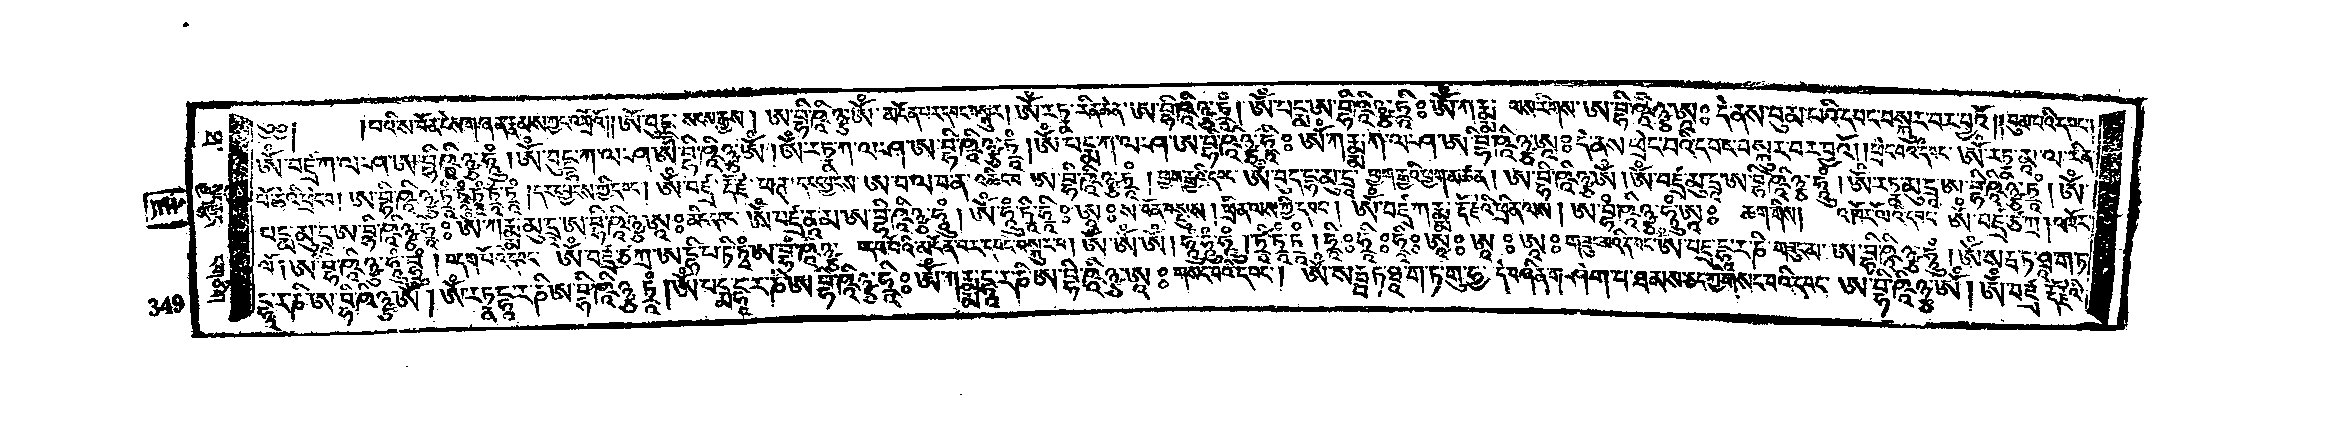༄༅། །པའི་ས་བོན་རེས་གཞན་རྣམས་ཀྱང་འགྲོའོ། །ཨོཾ་བུདྡྷ་སངས་རྒྱས། ཨ་བྷི་ཥཱིཉྩ་ཨོཾ་མངོན་པར་དབང་བསྐུར། ཨོཾ་རཏྣ་རིན་ཆེན་ཨ་བྷི་ཥཱིཉྩ་ཏརའཾ། ཨོཾ་པདམ་ཨ་བྷི་ཥཱིཉྩ་ཧྲཱིཿ ཨོཾ་ཀརྨྨ་ལས་རིགས་ཨ་བྷི་ཥཱིཉྩ་ཨཱཿ དེ་ནས་བུམ་པའི་དབང་བསྐུར་བར་བྱའོ། །བུམ་པའི་དབང་།
ཨོཾ་བཛྲ་ཀ་ལ་ཤ་ཨ་བྷི་ཥཱིཉྩ་ཧཱུཾ། ཨོཾ་བུདྡྷ་ཀ་ལ་ཤ་ཨ་བྷི་ཥཱིཉྩ་ཨོཾ། ཨོཾ་རཏྣ་ཀ་ལ་ཤ་ཨ་བྷི་ཥཱིཉྩ་ཏྲཱཾ། ཨོཾ་པདམ་ཀ་ལ་ཤ་ཨ་བྷི་ཥཱིཉྩ་ཧྲཱིཿ ཨོཾ་ཀརྨྨ་ཀ་ལ་ཤ་ཨ་བྷི་ཥཱིཉྩ་ཨཱཿ དེ་ནས་ཕྲེང་བའི་དབང་བསྐུར་བར་བྱའོ། ། ཕྲེང་བའི་དབང་ཨོཾ་རཏྣ་མཱ་ལ་རིན་
པོ་ཆེའི་ཕྲེང་བ། ཨ་བྷི་ཥཱིཉྩ་ཏྲཾ་ཏྲཾ་ཏྲཱཾ་ཏྲཱཾ་ཏྲཱཾ། དར་དབྱངས་ཀྱི་དབང་།  ཨོཾ་བཛྲ་རྡོ་རྗེ་ཕཊ། དར་དབྱངས་ཨ་བ་ལ་བ་ན་འཆིང་བ་ཨ་བྷི་ཥཱིཉྩ་ཏྲཱཾ། ཕྱག་རྒྱའི་དབང་།  ཨོཾ་བུདྡྷ་མུ་དྲཱ་ཕྱག་རྒྱའི་ཕྱག་མཚན།  ཨ་བྷི་ཥཱིཉྩ་ཨོཾ། ཨོཾ་བཛྲ་མུ་དྲཱ་ཨ་བྷི་ཥཱིཉྩ་ཧཱུཾ། ཨོཾ་རཏྣ་མུ་དྲཱ་ཨ་བྷི་ཥཱིཉྩ་ཏྲཱཾ། ཨོཾ་
པདམའི་མུ་དྲཱ་ཨ་བྷི་ཥཱིཉྩ་ཧྲཱིཿ ཨོཾ་ཀརྨྨ་མུ་དྲཱ་ཨ་བྷི་ཥཱིཉྩ་ཨཱཿ མིང་དབང་ཨོཾ་བཛྲ་ནཱ་མ་ཨ་བྷི་ཥཱིཉྩ་ཧཱུཾ། ཨོཾ་ཧཱུཾ་ཏྲཱི་ཧྲཱིཿ ཨཱཿ ས་བོན་བསྡུས། ཕྲིན་ལས་ཀྱི་དབང་།  ཨོཾ་བཛྲ་ཀརྨྨ་རྡོ་རྗེའི་ཕྲིན་ལས། ཨ་བྷི་ཥཱིཉྩ་ཧཱུཾ་ཨཱཿ ཆག་གིས། འཁོར་ལོའི་དབང་ཨོཾ་བཛྲ་ཙ་ཀྲ། འཁོར་
ལོ། ཨ་བྷི་ཥཱིཉྩ་ཧཱུཾ་བྷཱུཾ། བདག་པོའི་དབང་ཨོཾ་བཛྲ་ཙཀྲ་ཨ་དྷི་པ་ཏི་ཏྭཾ་ཨ་བྷི་ཥཱིཉྩ། བདག་པོའི་མངོན་པར་དབང་བསྐུར་བ་ཨོཾ་ཨོཾ་ཨོཾ། ཧཱུཾ་ཧཱུཾ་ཧཱུཾ། ཏྲཱཾ་ཏྲའཾ་ཏྲཱཾ། ཧྲཱིཿ ཧྲཱིཿ ཧྲཱིཿ ཨཱཿ ཨཱཿ ཨཱཿ གཟུང་མའི་དབང་ཨོཾ་བཛྲ་དྷཱ་ར་ཎི་གཟུང་མ་ཨ་བྷི་ཥཱིཉྩ་ཧཱུཾ། ཨོཾ་སརྦ་ཏ་ཐཱ་ག་ཏ་
དྷཱ་ར་ཎི་ཨ་བྷི་ཥཱིཉྩ་ཨོཾ། ཨོཾ་རཏྣ་དྷཱ་ར་ཎི་ཨ་བྷི་ཥཱིཉྩ་ཏྲཱཾ། ཨོཾ་པདམ་དྷཱ་ར་ཎི་ཨ་བྷི་ཥཱིཉྩ་ཧྲཱིཿ ཨོཾ་ཀརྨྨ་དྷཱ་ར་ཎི་ཨ་བྷི་ཥཱིཉྩ་ཨཱཿ གསང་བའི་དབང་།  ཨོཾ་སརྦྦ་ཏ་ཐཱ་ག་ཏ་གུ་ཧྱ་དེ་བཞིན་གཤེག་པ་ཐམས་ཅད་ཀྱི་གསང་བའི་དབང་ཨ་བྷི་ཥཱིཉྩ་ཨོཾ། ཨོཾ་བཛྲ་རྡོ་རྗེའི་